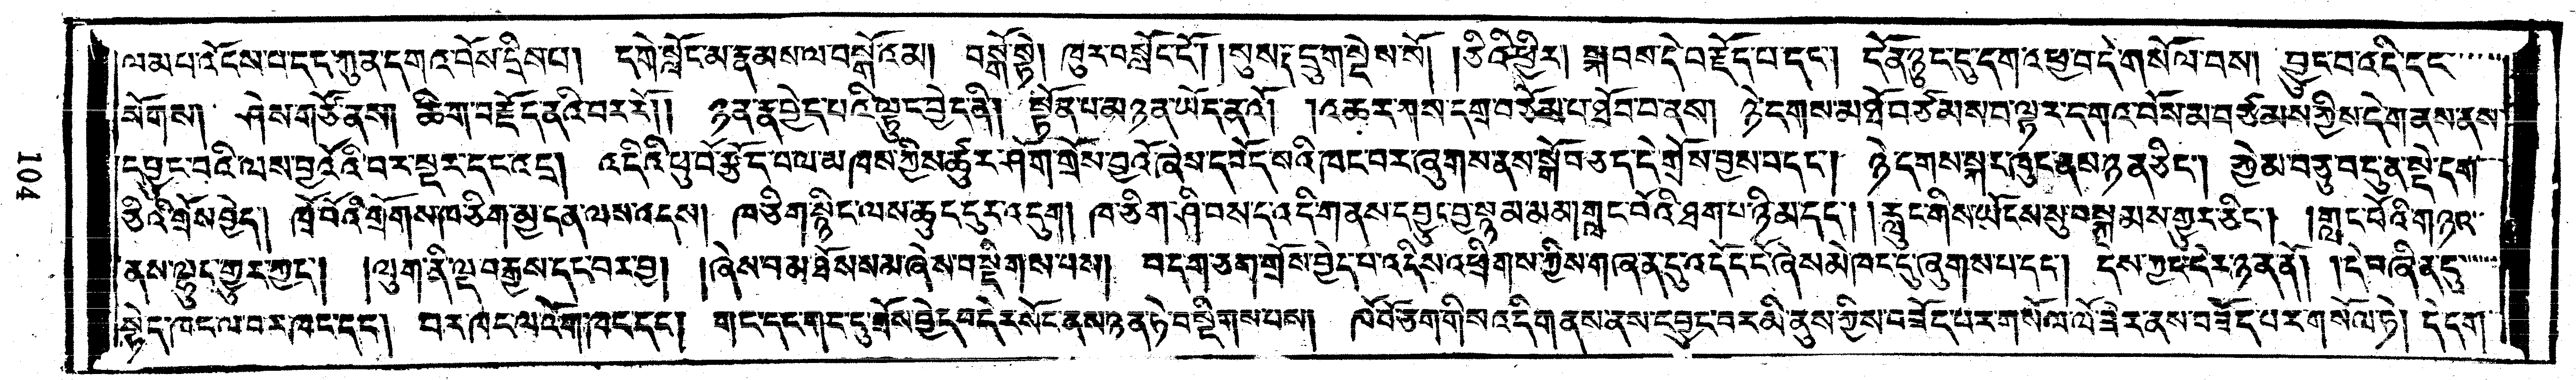ལམ་པ་འོངས་པ་དང་ཀུན་དགའ་བོས་དྲིས་པ། དགེ་སློང་མ་རྣམས་ལ་བསྒོའམ། བསྒོ་སྟེ། ཁུར་བསློང་ངོ། །སུས༑ དྲུག་སྡེས་སོ། །ཅིའི་ཕྱིར། སྐབས་དེ་བརྗོད་པ་དང་། དོན་ཉུང་དུ་དག་འཕྱ་བ་དེ་གསོལ་བས། བྱུང་བ་འདི་དང་
སོགས། ཤེས་གཙོ་ནས། ཚིག་བརྗོད་ནའི་བར་རོ།། ཉན་རྣ་བྱེད་པའི་ལྟུང་བྱེད་ནི། སྟོན་པ་མཉན་ཡོད་ནའོ། །འཆར་ཀས་དགྲ་བཅོམ་པ་ཐོབ་བ་ནས། ཉེ་དགས་མཐོ་བཙམས་བ་ལྟར་དགའ་བོས་མ་བཙམས་ཀྱིས་དེ་གནས་ནས་
དབྱུང་བའི་ལས་བྱའོའི་བར་སྔར་དང་འདྲ། འདིའི་ཕུ་བོ་རྩོད་པ་ལ་མཁས་ཀྱིས་ཚུར་ཤོག་གྲོས་བྱའོ་ཞེས་དབོད་སའི་ཁང་བར་ཞུགས་ནས་སྒོ་བཅད་དེ་གྲོས་བྱས་པ་དང་། ཉེ་དགས་སྐར་ཁུང་ནས་ཉན་ཅིང་། ཀྱེམ་བཅུ་བདུན་སྡེ་དག་
ཅིའི་གྲོས་བྱེད། ཁྲོ་བོའི་གྲོགས་ཁ་ཅིག་མྱ་ངན་ལས་འདས། ཁ་ཅིག་སྙིང་ལས་ཆུང་དུར་འདུག། ཁ་ཅིག་ཤི་བས་ད་འདི་གནས་དབྱུང་བྱ་སྙམ་མམ། གླང་བོའི་ཐག་པ་ཉི་མ་དང་། །རླུང་གིས་ཡོངས་སུ་བསྐམས་གྱུར་ཅིང་། །གླང་པོའི་གཉའ་
ནས་ལྷུང་གྱུར་ཀྱང་། །ལུག་ནི་ལྔ་བརྒྱས་དང་བར་བྱ། །ཞེས་བམ་ཐོས་སམ་ཞེས་བསྡིགས་པས། བདག་ཅག་གྲོས་བྱེད་པ་འདིས་འཕྲིགས་ཀྱིས་གཞན་དུ་འདོད་ངོ་ཞེས་མེ་ཁང་དུ་ཞུགས་པ་དང་། དེས་ཀྱང་དེར་ཉན་ནོ། །དེ་བཞིན་དུ་
སྟེད་ཁང་ལ་བར་ཁང་དང་། བར་ཁང་ལ་འོག་ཁང་དང་། གང་དང་གང་དུ་སྒྲོས་བྱེད་བདེར་སོང་ནས་ཉན་ཏེ་བསྡིགས་པས། ཁོ་བོ་ཅག་གིས་འདི་གནས་ནས་དབྱུང་བར་མི་ནུས་ཀྱིས་བཟོད་པར་གསོལ་ལོ་ཟེར་ནས་བཟོད་པར་གསོལ་ཏེ། དེ་དག་